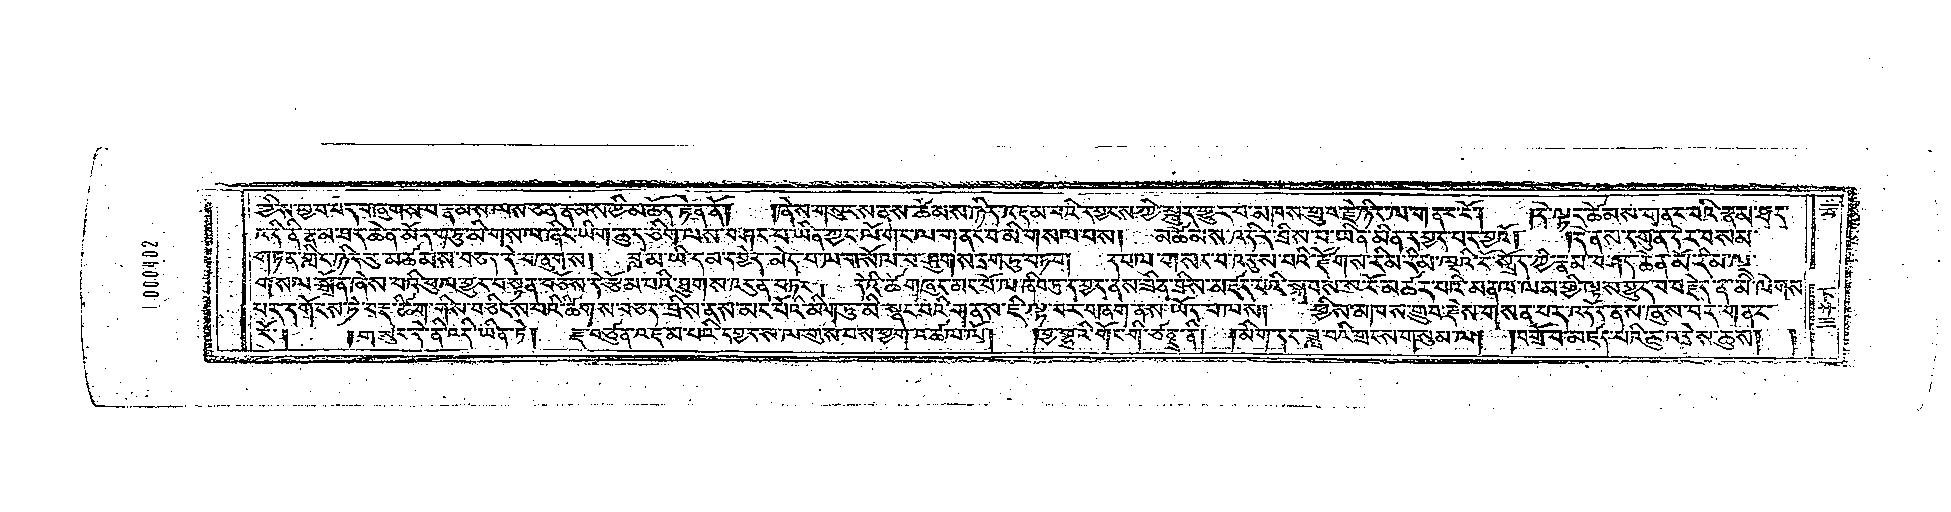གྱིས་ཁྱབ་པར་བཞུགས་པ་རྣམས་ལས་ཅན་རྣམས་ཀྱི་མཆོད་རྟེན་ནོ། །ཞེས་གསུངས་ནས་ཚེམས་ཉིད་འཇམ་པའི་དབྱངས་ཀྱི་སྐུར་གྱུར་པ་མཁས་གྲུབ་རྗེ་ཉིད་ལ་གནང་ངོ། །དེ་ལྟར་ཚེམས་གནང་བའི་རྣམ་ཐར་
འདི་ནི་རྣམ་ཐར་ཆེན་མོ་དག་ཏུ་མི་གསལ་ཞིང་ཡིག་ཚུད་ཅིག་ལས་བཤད་པ་ཡིན་ཀྱང་ལོ་གང་ལ་གནང་བ་མི་གསལ་པས། མཚེམས་འདིར་བྲིས་པ་ཡིན་མིན་དཔྱད་པར་བྱའོ། །དེ་ནས་དགུན་དེར་བསམ་
གཏན་གླིང་ཉིད་དུ་མཚམས་བཅད་དེ་བཞུགས། བླ་མ་ཡི་དམ་དབྱེར་མེད་པ་ལ་གསོལ་བ་ཤུགས་དྲག་ཏུ་བཏབ། དཔལ་གསང་བ་འདུས་པའི་རྫོགས་རིམ་རིམ་ལྔའི་ངོ་སྤྲོད་ཀྱི་རྣམ་བཤད་ཆེན་མོ་རིམ་ལྔ་
གསལ་སྒྲོན་ཞེས་པའི་ཕུལ་བྱུང་བསྟན་བཅོས་དེ་རྩོམ་པའི་ཐུགས་འདུན་བཏང་། དེའི་ཚེ་གཞུང་མང་པོ་ལ་ཞིབ་ཏུ་དཔྱད་ནས་ཟིན་བྲིས་མཛད་པའི་སྐབས་ས་ངོ་མཚར་པའི་མནལ་ལམ་གྱི་ལྟས་བྱུང་བ་བརྗེད་ན་མི་ལེགས་
པར་དགོངས་ཏེ་བརྡ་ཚིག་གིས་བཅིངས་པའི་ཚིགས་བཅད་བྲིས་ནས་མང་པོའི་མིག་ཏུ་མི་སྣང་བའི་གནས་ཇི་ལྟ་བར་བཞག་ནས་ཡོད་པ་ལས། ཕྱིས་མཁས་གྲུབ་རྗེས་གསན་པར་འདོད་ནས་ཞུས་བར་གནང་
ངོ། །གསུང་དེ་ནི་འདི་ཡིན་ཏེ། རྗེ་བཙུན་འཇམ་པའི་དབྱངས་ལ་གུས་པས་ཕྱག་འཚལ་ལོ། །བྱ་གྷྲའི་གོང་གི་ཙནྡྲ་ནི། །མིག་དང་ཟླ་བའི་གྲངས་གསུམ་ལ། །འགྲོ་བ་མཛད་པའི་ཆུ་འདྲེས་ཆུས། །